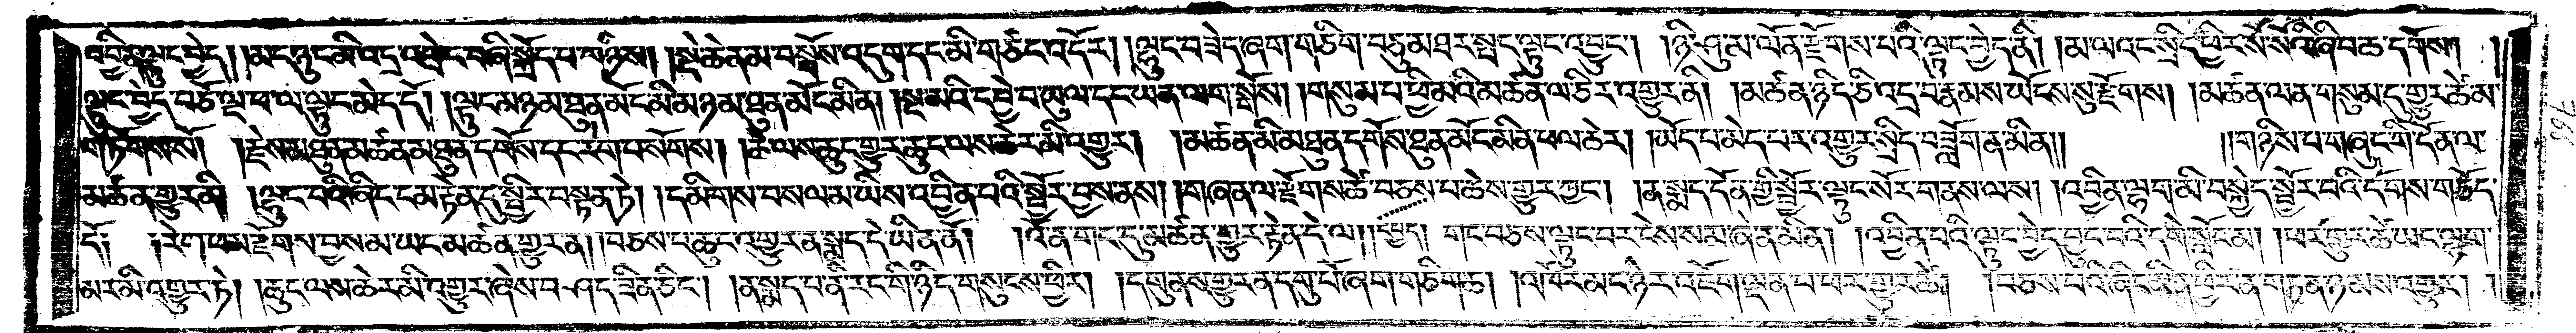འབྱིན་ལྟུང་བྱེད། །མང་ཉུང་མི་འདྲ་འགྲེང་བཞི་སྐྲོད་པ་གཉིས། །སྔེ་ཆེན་མ་བསྒོས་འདུག་དང་མི་གཙང་འདོར། །ལྷུང་བཟེད་ཞག་གཅིག་བཅུ་མཐར་སྤང་ལྟུང་འབྱུང་། །ཉི་ཤུ་མ་ལོན་རྫོགས་པའི་ལྟུང་བྱེད་ནི། །མ་ལའང་སྲིད་ཕྱིར་སོ་སོའི་ཞི་བ་ཆ་དགོས། །
ལྟུང་བྱེད་བཅོ་ལྔ་ཕ་ལ་ལྟུང་མེད་དོ། །ལྟུང་མཉམ་ཐུན་མོང་མི་མཉམ་ཐུན་མོང་མིན། །སྔ་མའི་དབྱེ་བ་ཡུལ་དང་ཡན་ལག་སོགས། །གསུམ་པ་ཕྱི་མའི་མཚན་ལ་ཅིར་འགྱུར་ནི། །མཚན་ཉིད་ཅི་འདྲ་བ་རྣམས་ཡོངས་སུ་རྫོགས། །མཚན་ལན་གསུམ་དུ་གྱུར་ཚེ་མ་
གཏོགས་སོ། །རྗེས་མཐུན་མཚན་མཐུན་དགོས་དང་རེག་པ་སགས། །ཆེ་ལས་ཆུང་གྱུར་ཆུང་ལས་ཆེར་མི་འགྱུར། །མཚན་མི་མཐུན་དགོས་ཐུན་མོང་མིན་ཕལ་ཆེར། །ཡོད་པ་མེད་པར་འགྱུར་སྲིད་བཟློག་ན་མིན།། །།གཉིས་པ་གཞུང་གི་དོན་ལ་
མཚན་གྱུར་ནི། །ལྷུང་བའི་ཞིང་ངམ་རྟེན་དུ་སྤྱིར་བསྟན་ཏེ། །དམིགས་བསལ་མ་ཡིས་འབྱིན་པའི་སྦྱོར་བྱས་ནས། །གཞན་ལ་རྫོགས་ཚེ་བཅས་པ་ཆེས་གྱུར་ཀྱང་། །ན་སྨད་དོན་གྱི་སྦྱོར་ལྟུང་སོར་གནས་ལས། །འབྱིན་ལྷག་མི་བསྐྱེད་སྦྱོར་བའི་དོགས་གཅོད་
དོ༑ ༑རེག་ཕམ་རྫོགས་བྱས་མ་ཡང་མཚན་གྱུར་ན། །བཅས་པ་ཆུང་འགྱུར་ན་སྨད་དེ་ཡིན་ནོ། །འོ་ན་གང་དུ་མཚན་གྱུར་རྟེན་དེ་ལ། །དཔྱད། །གང་བཅས་ལྟུང་བར་ངེས་སམ་ཞེ་ན་མིན། །འབྱིན་པའི་ལྟུང་བྱེད་བྱུང་བའི་དགེ་སློང་མ། །ཕར་གྱུར་ཚེ་ཡང་ལྷག་
མར་མི་འགྱུར་ཏེ། །ཆུང་ལས་ཆེར་མི་འགྱུར་ཞེས་བཤད་ཟིན་ཅིང་། །ན་སྨད་བ་ནི་རང་གི་ཉིད་གསུངས་ཕྱིར། །དགུ་ནས་གྱུར་ན་དགུ་པོ་ཞག་གཅིག་ཆ། །འཁོར་མང་ཉེར་འཇོག་ལྡན་པ་ཕར་གྱུར་ཚེ། །བཅས་པའི་ཞིང་མིན་ཕྱིར་ན་གཏན་ཉམས་འགྱུར། །